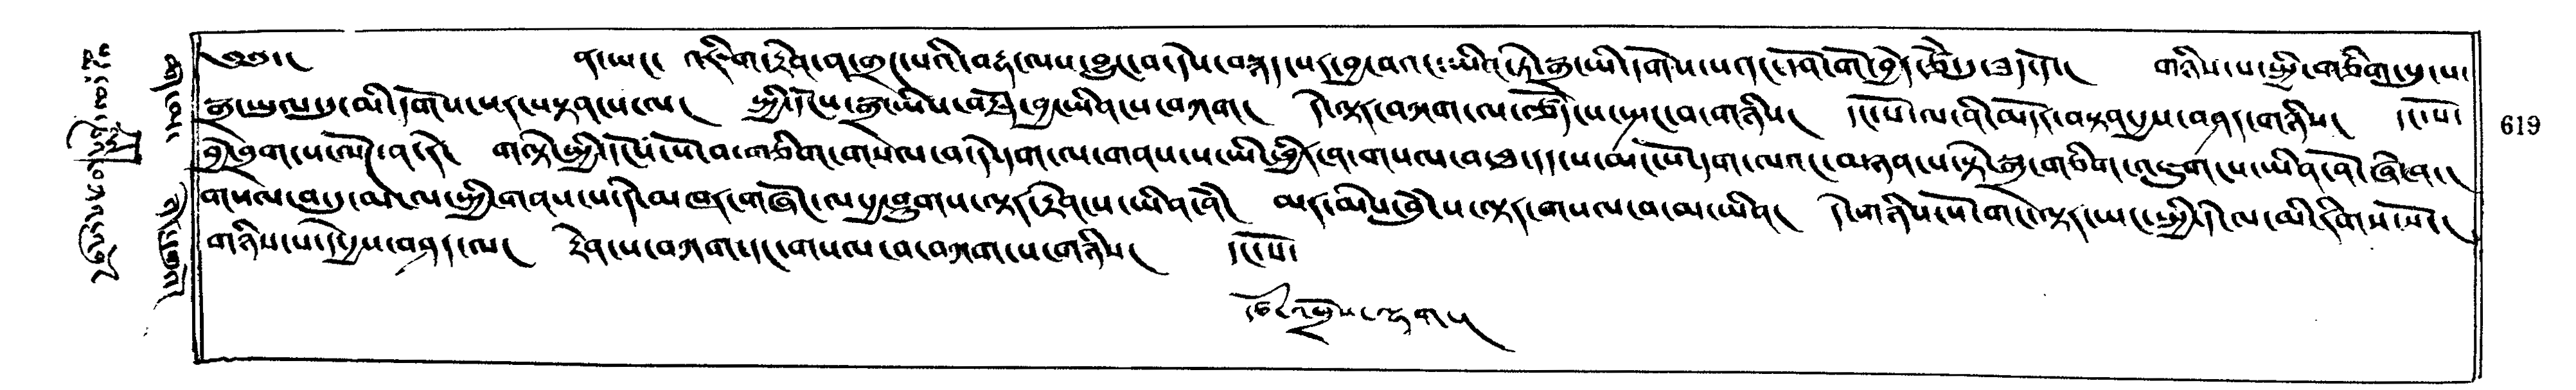ན་ཡང་། འཇིག་རྟེན་ན་གྲགས་པའི་བརྡ་ལས་བྱུང་བ་དེས་བསྙད་པར་བྱ་བའང་ཡིན་ཏེ་སྒྲའི་དགོས་པའང་དོན་གོ་བྱེད་ཙམ་དུ་ཟད་དོ།། གཉིས་པ་སྤྱི་གཅིག་པུས་
སྒྲ་ཡུལ་དུ་མི་དགོས་པར་བསྟན་པ་ལ། སྤྱི་དངོས་སྒྲ་ཡིས་བརྗོད་བྱ་ཡིན་པ་བཀག །དེ་ལྟར་བཀག་ལ་རྩོད་པ་སྤང་བ་གཉིས། །དང་པོ་ལ་ནི་མདོར་བསྟན་རྒྱས་བཤད་གཉིས། །དང་པོ་
བྱེ་བྲག་པ་ལ་སོགས་ན་རེ། །གལ་ཏེ་སྤྱི་དངོས་པོ་བ་གཅིག་གསལ་བ་དེ་དག་ལ་གནས་པའི་ཕྱིར་ན་གསལ་བ་ཐ་དད་པ་མང་པོ་དག་ལའང་མཉན་པ་སྟེ་སྒྲ་གཅིག་འཇུག་པ་ཡིན་ནོ་ཞེ་ན། 
གསལ་བ་དུ་མ་ལ་སྤྱི་གནས་པ་དེ་མཁར་གཞོང་ལ་རྒྱ་ཤུག་ལྟར་བརྟེན་པ་ཡིན་ནམ། མར་མེས་བུམ་པ་ལྟར་གསལ་བ་མ་ཡིན། དེ་གཉིས་པོ་གང་ལྟར་ཡང་སྤྱི་དེ་ལ་མི་རིགས་སོ། 
གཉིས་པ་དེ་རྒྱས་བཤད་ལ། རྟེན་པ་བཀག་དང་གསལ་བ་བཀག་པ་གཉིས། དང་པོ། 
རྩོམ་འཕྲོར་ལྷག